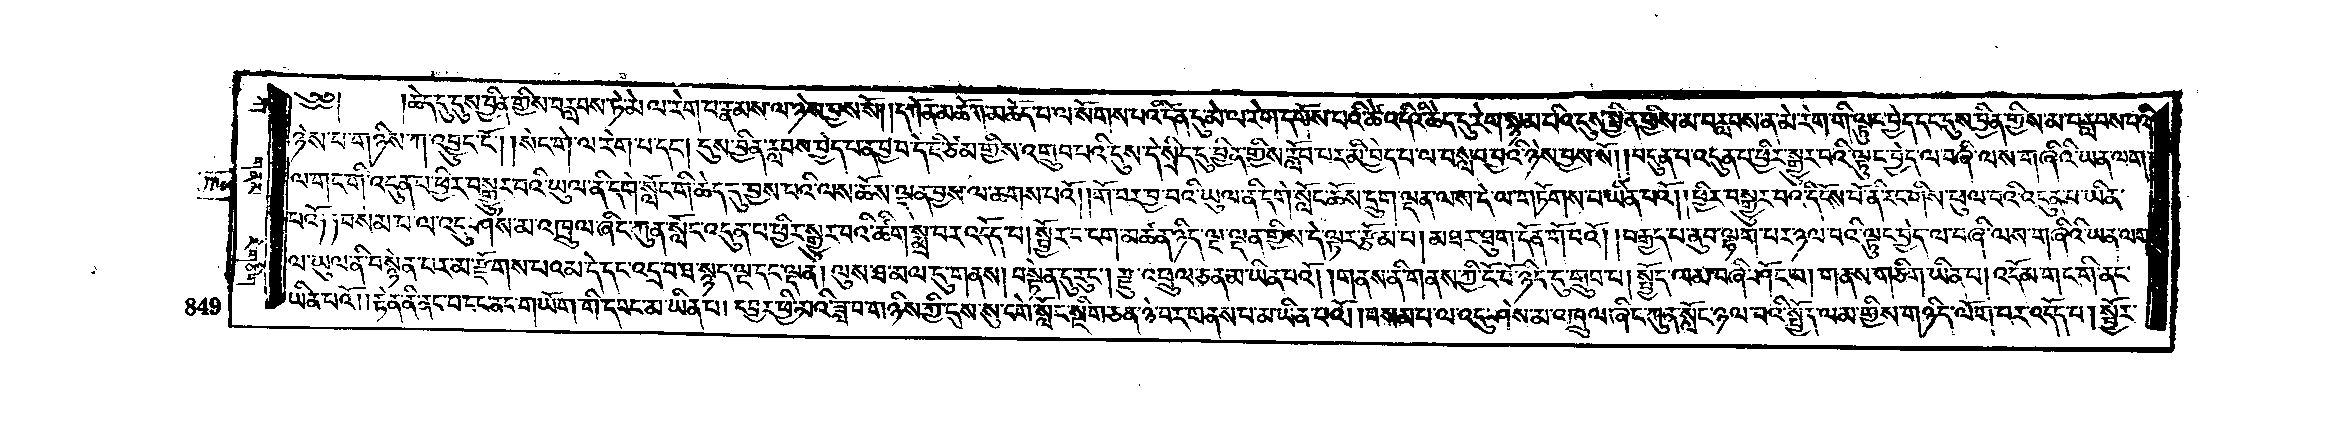༄༅། །ཆེད་དུ་དུས་བྱིན་གྱིས་བརླབས་ཏེ་མེ་ལ་རེག་པ་རྣམས་ལ་ཉེས་བྱས་སོ། །དཀོན་མཆོག་མཆོད་པ་ལ་སོགས་པའི་དོན་དུ་མེ་ལ་རེག་དགོས་པའི་ཚེ་འདིའི་ཆེད་དུ་རེག་སྙམ་པའི་དུས་སྦྱིན་གྱིས་མ་བརླབས་ན་མེ་རེག་གི་ལྟུང་བྱེད་དང་དུས་བྱིན་གྱིས་མ་བརླབས་པའི་
ཉེས་པ་གཉིས་ཀ་འབྱུང་ངོ། །སེང་གེ་ལ་རེག་པ་དང་། དུས་བྱིན་རླབས་བྱེད་པ་ན་བྱ་བ་དེ་ཇི་ཙམ་གྱིས་འགྲུབ་པའི་དུས་དེ་སྲིད་དུ་བྱིན་གྱིས་རློབ་པར་མི་བྱེད་པ་ལ་བསླབ་བྱའི་ཉེས་བྱས་སོ། །བདུན་པ་འདུན་པ་ཕྱིར་སྒྱུར་བའི་ལྟུང་བྱེད་ལ་བཞི་ལས་གཞིའི་ཡན་ལག་
ལ་གང་གི་འདུན་པ་ཕྱིར་བསྒྱུར་བའི་ཡུལ་ནི་དགེ་སློང་གི་ཆེད་དུ་བྱས་པའི་ལས་ཆོས་ལྡན་བྱས་ལ་ཆགས་པའོ། །གོ་བར་བྱ་བའི་ཡུལ་ནི་དགེ་སློང་ཆོས་དྲུག་ལྡན་ལས་དེ་ལ་གཏོགས་པ་ཡིན་པའོ། །ཕྱིར་བསྒྱུར་བའི་དངོས་པོ་ནི་རང་གིས་ཕུལ་བའི་འདུན་པ་ཡིན་
པའོ༑ ༑བསམ་པ་ལ་འདུ་ཤེས་མ་འཁྲུལ་ཞིང་ཀུན་སློང་འདུན་པ་ཕྱིར་སྒྱུར་བའི་ཚིག་སྨྲ་བར་འདོད་པ། སྦྱོར་བ་ངག་མཚན་ཉིད་ལྔ་ལྡན་གྱིས་དེ་ལྟར་རྩོམ་པ། མཐར་ཐུག་དོན་གོ་བའོ། །བརྒྱད་པ་ནུབ་ལྷག་པར་ཉལ་བའི་ལྟུང་བྱེད་ལ་བཞི་ལས་གཞིའི་ཡན་ལག་
ལ་ཡུལ་ནི་བསྙེན་པར་མ་རྫོགས་པའམ་དེ་དང་འདྲ་བ་ཐ་སྙད་ལྔ་དང་ལྡན། ལུས་ཐ་མལ་དུ་གནས། བསྟེན་དུ་རུང་། རྫུ་འཕྲུལ་ཅན་མ་ཡིན་པའོ། །གནས་ནི་གནས་ཀྱི་ངོ་བོ་ཉིད་དུ་གྲུབ་པ། སྤྱོད་ལམ་བཞི་ཤོང་བ། གནས་གཅིག་ཡིན་པ། འདོམ་གང་གི་ནང་
ཡིན་པའོ། །རྟེན་ནི་ནད་པ་དང་ནད་གཡོག་གི་དབང་མ་ཡིན་པ། དབྱར་ཕྱི་མའི་ཟླ་བ་གཉིས་ཀྱི་དུས་སུ་དགེ་སློང་སྡིག་ཅན་ཉེ་བར་གནས་པ་མ་ཡིན་པའོ། །བསམ་པ་ལ་འདུ་ཤེས་མ་འཁྲུལ་ཞིང་ཀུན་སློང་ཉལ་བའི་སྤྱོད་ལམ་གྱིས་གཉིད་ལོག་པར་འདོད་པ། སྦྱོར་